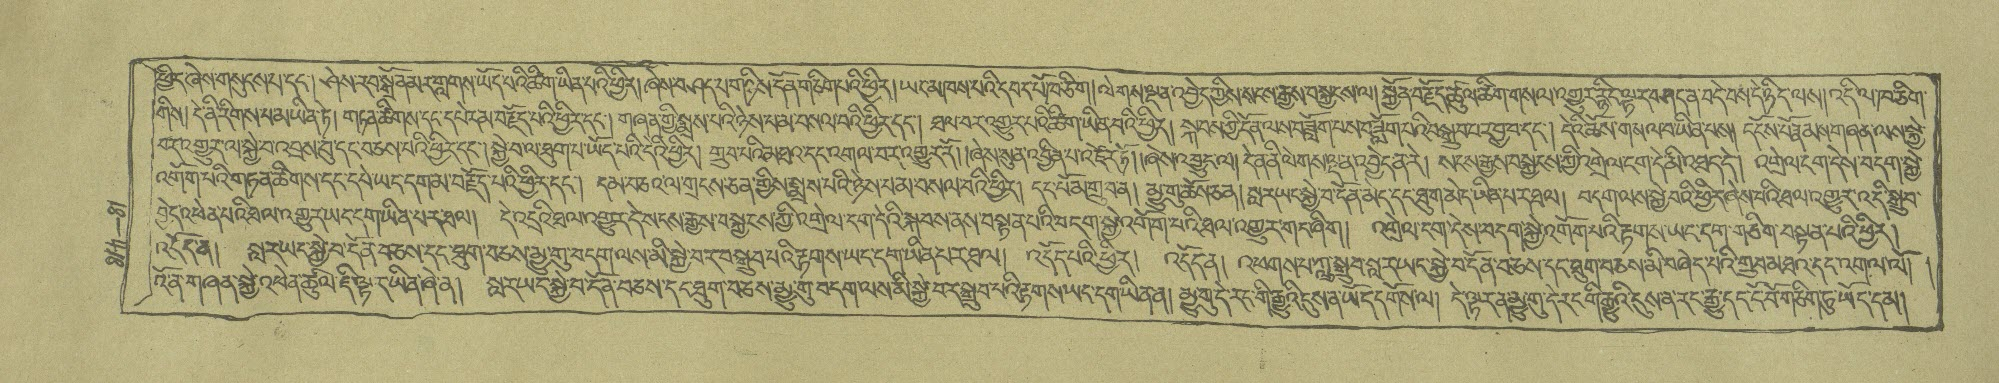ཕྱིར། ཞེས་གསུངས་པ་དང་། ཤེས་རབ་སྒྲོན་མར་གླགས་ཡོད་པའི་ཚིག་ཡིན་པའི་ཕྱིར། ཞེས་བཤད་པ་གཉིས་དོན་གཅིག་པའི་ཕྱིར། ཡང་མཁས་པའི་དབང་པོ་ཁ་ཅིག །ལེགས་ལྡན་འབྱེད་ཀྱིས་སངས་རྒྱས་བསྐྱངས་ལ། སྐྱོན་བརྗོད་ཚུལ་ཚིག་གསལ་འགྱུར་རྙིང་ལྟར་བཤད་ན་བདེ་བས་དེ་ཉིད་ལས། འདི་ལ་ཁ་ཅིག་
གིས། དེ་ནི་རིགས་པ་མ་ཡིན་ཏེ། གཏན་ཚིགས་དང་དཔེར་མ་བརྗོད་པའི་ཕྱིར་དང་། གཞན་གྱི་སྨྲས་པའི་ཉེས་པ་མ་བསལ་བའི་ཕྱིར་དང་། ཐལ་བར་འགྱུར་བའི་ཚིག་ཡིན་པའི་ཕྱིར། སྐབས་ཀྱི་དོན་ལས་བཟློག་པས་བཟློག་པའི་བསྒྲུབ་པར་བྱ་བ་དང་། དེའི་ཆོས་གསལ་བ་ཡིན་པས། དངོས་པོ་རྣམས་གཞན་ལས་སྐྱེ་
བར་འགྱུར་ལ་སྐྱེ་བ་འབྲས་བུ་དང་བཅས་པའི་ཕྱིར་དང་། སྐྱེ་བ་ལ་ཐུག་པ་ཡོད་པའི་དེའི་ཕྱིར། གྲུབ་པའི་མཐའ་དང་འགལ་བར་འགྱུར་རོ། །ཞེས་སུན་འབྱིན་པ་འཛེར་ཏོ། །ཞེས་འབྱུང་ལ། དོན་ནི་ལེགས་ལྡན་འབྱེད་ན་རེ། སངས་རྒྱས་བསྐྱངས་ཀྱི་འགྲེལ་ངག་དེ་མི་འཐད་དེ། འགྲེལ་ངག་དེས་བདག་སྐྱེ་
འགོག་པའི་གཏན་ཚིགས་དང་དཔེ་ཡང་དག་མ་བརྗོད་པའི་ཕྱིར་དང་། དམ་བཅའ་ལ་གྲངས་ཅན་གྱིས་སྨྲས་པའི་ཉེས་པ་མ་བསལ་བའི་ཕྱིར། དང་པོ་མ་གྲུབ་ན། མྱུ་གུ་ཆོས་ཅན། སླར་ཡང་སྐྱེ་བ་དོན་མེད་དང་ཐུག་མེད་ཡིན་པར་ཐལ། བདག་ལས་སྐྱེ་བའི་ཕྱིར་ཞེས་པའི་ཐལ་འགྱུར་འདི་སྒྲུབ་
བྱེད་འཕེན་པའི་ཐལ་འགྱུར་ཡང་དག་ཡིན་པར་ཐལ། དེ་འདྲའི་ཐལ་འགྱུར་དེ་སངས་རྒྱས་བསྐྱངས་ཀྱི་འགྲེལ་དག་དེའི་སྐབས་ནས་བསྟན་པའི་བདག་སྐྱེ་འགོག་པའི་ཐལ་འགྱུར་གང་ཞིག །འགྲེལ་ངག་དེས་བདག་སྐྱེ་འགོག་པའི་རྟགས་ཡང་དག་གཅིག་བསྟན་པའི་ཕྱིར།
འདོད་ན། སླར་ཡང་སྐྱེ་བ་དོན་བཅས་དང་ཐུག་བཅས་མྱུ་གུ་བདག་ལས་མི་སྐྱེ་བར་བསྒྲུབ་པའི་རྟགས་ཡང་དག་ཡིན་པར་ཐལ། འདོད་པའི་ཕྱིར། འདོད་ན། འཕགས་པ་ཀླུ་སྒྲུབ་སླར་ཡང་སྐྱེ་བ་དོན་བཅས་དང་ཐུག་བཅས་མི་བཞེད་པའི་གྲུབ་མཐའ་དང་འགལ་ལོ། །
འོ་ན་གཞན་སྐྱེ་འཕེན་ཚུལ་ཇི་ལྟར་ཡིན་ཞེ་ན། སླར་ཡང་སྐྱེ་བ་དོན་བཅས་དང་ཐུག་བཅས་མྱུ་གུ་བདག་ལས་མི་སྐྱེ་བར་སྒྲུབ་པའི་རྟགས་ཡང་དག་ཡིན་ན། མྱུ་གུ་དེ་རང་གི་རྒྱུའི་དུས་ན་ཡོད་དགོས་ལ། དེ་ལྟར་ན་མྱུ་གུ་དེ་རང་གི་རྒྱུའི་དུས་ན་རང་རྒྱུ་དང་ངོ་བོ་གཅིག་ཏུ་ཡོད་དམ།